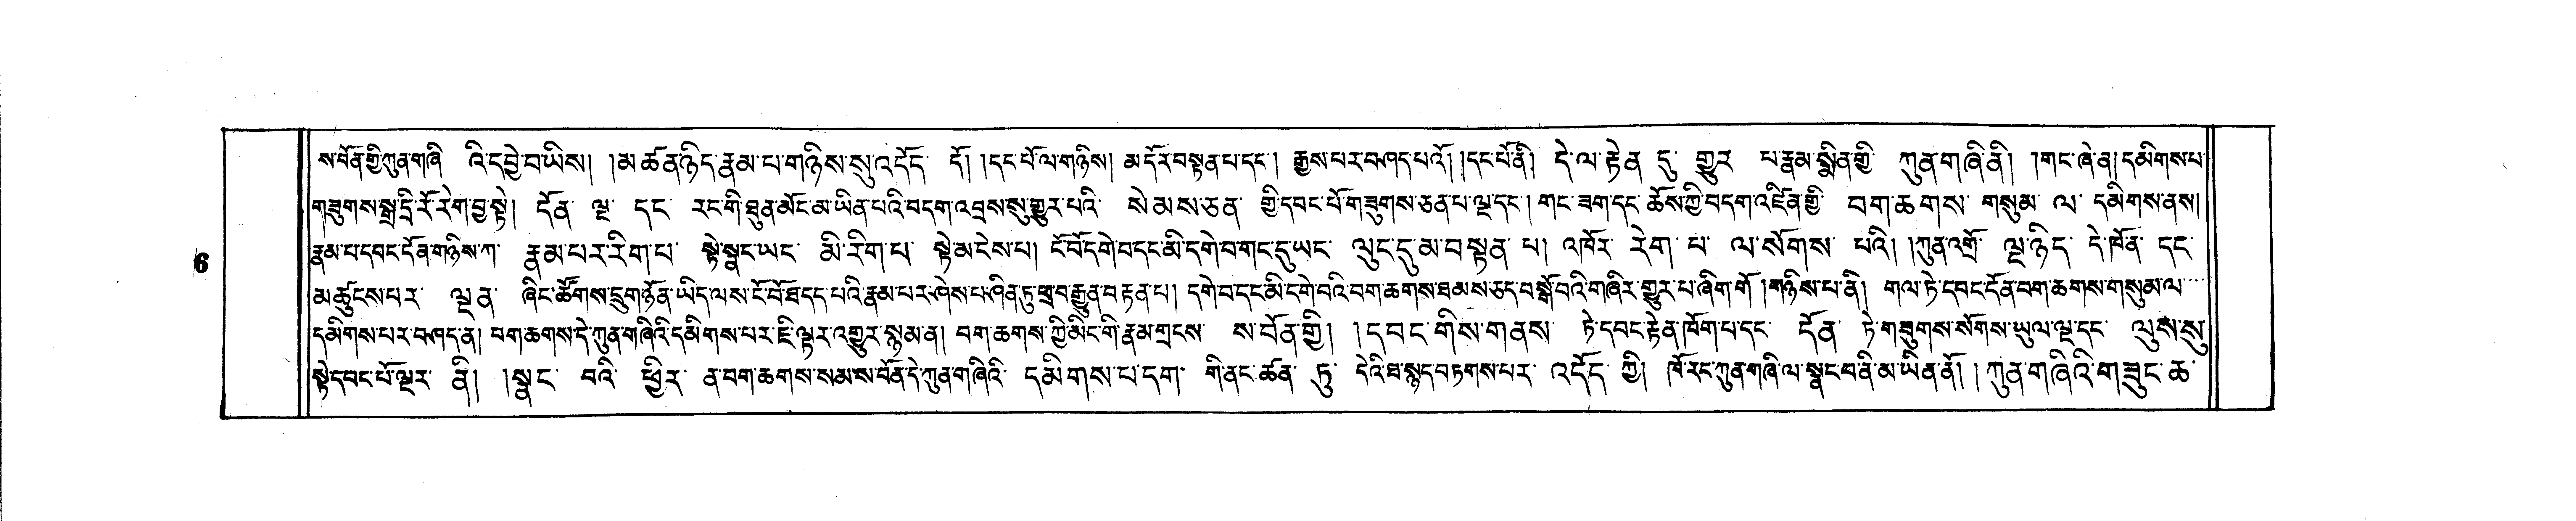ས་བོན་གྱི་ཀུན་གཞིའི་དབྱེ་བ་ཡིས། །མཚན་ཉིད་རྣམ་པ་གཉིས་སུ་འདོད་དོ། །དང་པོ་ལ་གཉིས། མདོར་བསྟན་པ་དང་། རྒྱས་པར་བཤད་པའོ། །དང་པོ་ནི། དེ་ལ་རྟེན་དུ་གྱུར་པ་རྣམ་སྨིན་གྱི་ཀུན་གཞི་ནི། །གང་ཞེ་ན། དམིགས་པ་
གཟུགས་སྒྲ་དྲི་རོ་རེག་བྱ་སྟེ། དོན་ལྔ་དང་རང་གི་ཐུན་མོང་མ་ཡིན་པའི་བདག་འབྲས་སུ་གྱུར་པའི་སེམས་ཅན་གྱི་དབང་པོ་གཟུགས་ཅན་པ་ལྔ་དང་། གང་ཟག་དང་ཆོས་ཀྱི་བདག་འཛིན་གྱི་བག་ཆགས་གསུམ་ལ་དམིགས་ནས།
རྣམ་པ་དབང་དོན་གཉིས་ཀ་རྣམ་པར་རིག་པ་སྟེ་སྣང་ཡང་མི་རིག་པ་སྟེ་མ་ངེས་པ། ངོ་བོ་དགེ་བ་དང་མི་དགེ་བ་གང་དུ་ཡང་ལུང་དུ་མ་བསྟན་པ། འཁོར་རེག་པ་ལ་སོགས་པའི། །ཀུན་འགྲོ་ལྔ་ཉིད་དེ་ཁོ་ན་དང་
མཚུངས་པར་ལྡན་ཞིང་ཚོགས་དྲུག་ཉོན་ཡིད་ལས་ངོ་བོ་ཐ་དད་པའི་རྣམ་པར་ཤེས་པ་ཤིན་ཏུ་ཕྲ་བ་རྒྱུན་བརྟན་པ། དགེ་བ་དང་མི་དགེ་བའི་བག་ཆགས་ཐམས་ཅད་བསྒོ་བའི་གཞིར་གྱུར་པ་ཞིག་གོ །གཉིས་པ་ནི། གལ་ཏེ་དབང་དོན་བག་ཆགས་གསུམ་ལ་
དམིགས་པར་བཤད་ན། བག་ཆགས་དེ་ཀུན་གཞིའི་དམིགས་པར་ཇི་ལྟར་འགྱུར་སྙམ་ན། བག་ཆགས་ཀྱི་མིང་གི་རྣམ་གྲངས་ས་བོན་གྱི། །དབང་གིས་གནས་ཏེ་དབང་རྟེན་ཁོག་པ་དང་དོན་ཏེ་གཟུགས་སོགས་ཡུལ་ལྔ་དང་ལུས་སུ་
སྟེ་དབང་པོ་ལྔར་ནི། །སྣང་བའི་ཕྱིར་ན་བག་ཆགས་སམ་ས་བོན་དེ་ཀུན་གཞིའི་དམིགས་པ་དག་གི་ནང་ཚན་ཏུ་དེའི་ཐ་སྙད་བཏགས་པར་འདོད་ཀྱི། ཁོ་རང་ཀུན་གཞི་ལ་སྣང་བ་ནི་མ་ཡིན་ནོ། །ཀུན་གཞིའི་གཟུང་ཆ་